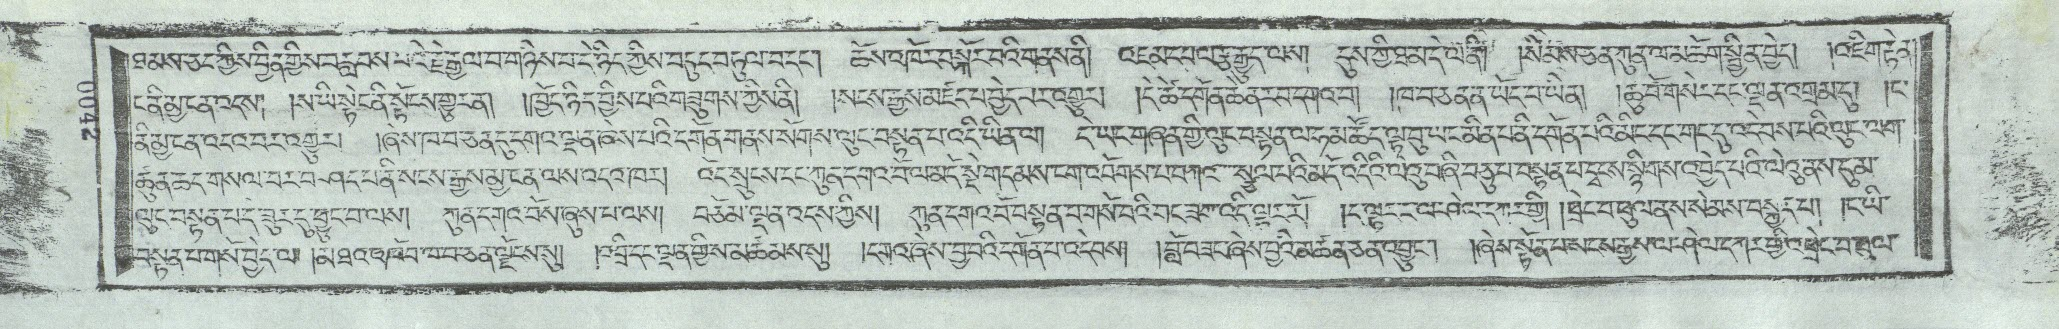ཐམས་ཅད་ཀྱིས་བྱིན་གྱིས་བརླབས་པ་དེ་རྗེ་རྒྱལ་བ་གཉིས་པ་དེ་ཉིད་ཀྱིས་བདུད་བཏུལ་བ་དང་། ཆོས་འཁོར་བསྐོར་བའི་གནས་ནི། འཇམ་དཔལ་རྩ་རྒྱུད་ལས། དུས་ཀྱི་ཐ་མ་དེ་ལ་ནི། །སེམས་ཅན་ཀུན་ལ་མཆོག་སྦྱིན་བྱེད། །འཇིག་རྟེན་
ང་ནི་མྱ་ངན་འདས། །ས་ཡི་སྟེང་ནི་སྟོངས་གྱུར་ན། །ཁྱོད་ཉིད་བྱིས་པའི་གཟུགས་ཀྱིས་ནི། །སངས་རྒྱས་མཛད་པ་བྱེད་པར་འགྱུར། །དེ་ཚེ་དགོན་ཆེན་རབ་དགའ་བ། །ཁ་བཅན་ན་ཡོང་བ་ཡིན། །ཆུ་བོ་གསེར་དང་ལྡན་འགྲམ་དུ། །ང་
ནི་མྱ་ངན་འདའ་བར་འགྱུར། །ཞེས་ཁ་བཅན་དུ་དགའ་ལྡན་ཞེས་པའི་དགོན་གནས་སོགས་ལུང་བསྟན་པ་འདི་ཡིན་ལ། དེ་ཡང་གཞན་གྱི་ལུང་བསྟན་ལ་ཧམ་ཚོད་ལྟ་བུ་ཡང་མིན་པ་ནི་དགོན་པོའི་མིང་དང་གང་དུ་འདེབས་པའི་ལུང་ལས?
ཚུན་ཆད་གསལ་བར་བཤད་པ་ནི་སངས་རྒྱས་མྱ་ངན་ལས་འདབ་ཁར། འོང་སྲུངས་དང་ཀུན་དགའ་བོ་ལ་མདོ་སྡེ་གདམས་ངག་འབོགས་པ་བཀའ་སྩལ་བའི་མདོ་འདིའི་ལེའུ་བཞི་བཅུ་པ་བསྟན་པ་དྭངས་སྙིགས་འབྱེད་པའི་ལེའུ་ནས་དུམ་
ལུང་བསྟན་པ་དེ་ཟུར་དུ་ཕྱུང་བ་ལས། ཀུན་དགའ་བོས་ཞུས་པ་ལས། བཅོམ་ལྡན་འདས་ཀྱིས། ཀུན་དགའ་བོ་བསྟན་པ་གསོ་བའི་གང་ཟག་འདི་ལྟར་རོ། །ད་ལྟར་ང་ལ་ཤེལ་དཀར་གྱི། །ཕྲེང་བ་ཕུལ་ནས་སེམས་བསྐྱེད་པ། །ང་ཡི་
བསྟན་པ་གསོ་བྱེད་ལ། མཐའ་འཁོབ་བབ་ཅན་ལྗོངས་སུ། །འབྲི་དང་ལྡན་གྱིས་མཚམས་སུ། །དགའ་ཞེས་བྱ་བའི་དགོན་པ་འདེབས། །བློ་བཟང་ཞེས་བྱའི་མཚན་ཅན་འབྱུང་། །ཞེས་སྟོན་པ་སངས་རྒྱས་ལ་ཤེལ་དཀར་གྱི་འཕྲེང་བ་ཕུལ་